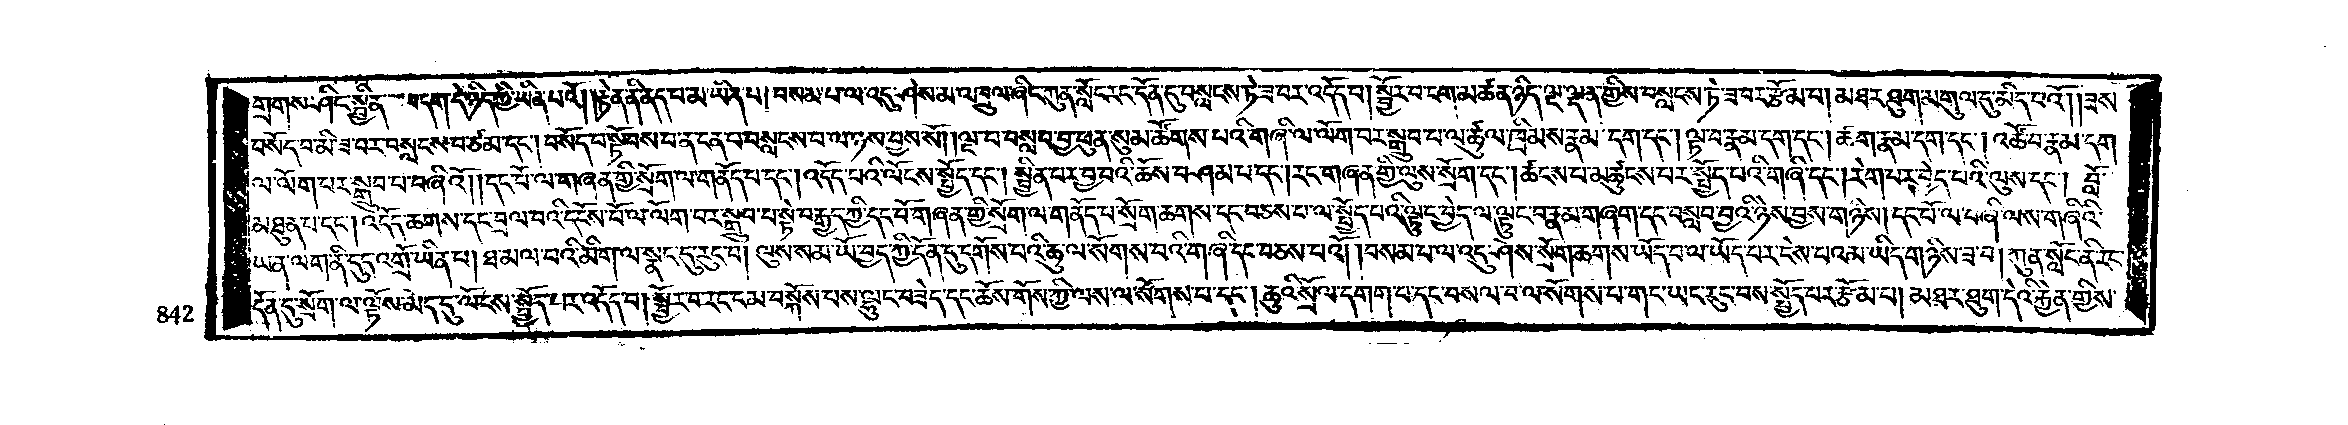གྲགས་ཤིང་སྦྱིན་བདག་དེ་ཉིད་ཀྱི་ཡིན་པའོ། །རྟེན་ནི་ནད་པ་མ་ཡིན་པ། བསམ་པ་ལ་འདུ་ཤེས་མ་འཁྲུལ་ཞིང་ཀུན་སློང་རང་དོན་དུ་བསླངས་ཏེ་ཟ་བར་འདོད་པ། སྦྱོར་བ་ངག་མཚན་ཉིད་ལྔ་ལྡན་གྱིས་བསླངས་ཏེ་ཟ་བར་རྩོམ་པ། མཐར་ཐུག་མགུལ་དུ་མིད་པའོ། །ཟས་
བསོད་བ་མི་ཟ་བར་བསླངས་བ་ཙམ་དང་། བསོད་པ་སྟོབས་པ་ན་ངན་པ་བསླངས་པ་ལ་ཉས་བྱས་སོ། །ལྔ་པ་བསླབ་བྱ་ཕུན་སུམ་ཚོགས་པའི་གཞི་ལ་ལོག་པར་སྒྲུབ་པ་ལ་ཚུལ་ཁྲིམས་རྣམ་དག་དང་། ལྟ་བ་རྣམ་དག་དང་། ཚ་ག་རྣམ་དག་དང་། འཚོ་བ་རྣམ་དག་
ལ་ལོག་པར་སྒྲུབ་པ་བཞིའོ། །དང་པོ་ལ་གཞན་གྱི་སྲོག་ལ་གནོད་པ་དང་། འདོད་པའི་ལོངས་སྤྱོད་དང་། སྦྱིན་པར་བྱ་བའི་ཆོས་བཤམ་པ་དང་། རང་གཞན་གྱི་ལུས་སྲོག་དང་། ཚངས་པར་མཚུངས་པར་སྤྱོད་པའི་གཞི་དང་། རེག་པར་བྱེད་པའི་ལུས་དང་། བློ་
མཐུན་པ་དང་། འདོད་ཆགས་དང་བྲལ་བའི་དངོས་པོ་ལ་ལོག་པར་སྒྲུབ་པ་སྟེ་བརྒྱད་ཀྱི་དང་པོ་གཞན་གྱི་སྲོག་ལ་གནོད་པ་སྲོག་ཆགས་དང་བཅས་པ་ལ་སྤྱོད་པའི་ལྟུང་བྱེད་ལ་ལྟུང་བ་རྣམ་གཞག་དང་བསླབ་བྱའི་ཉེས་བྱས་གཉིས། དང་པོ་ལ་བཞི་ལས་གཞིའི་
ཡན་ལག་ནི་དུད་འགྲོ་ཡིན་པ། ཐ་མལ་པའི་མིག་ལ་སྣང་དུ་རུང་བ། ལུས་སམ་ཡོ་བྱད་ཀྱི་དོན་དུ་དགོས་པའི་ཆུ་ལ་སོགས་པའི་གཞི་དང་བཅས་པའོ། །བསམ་པ་ལ་འདུ་ཤེས་སྲོག་ཆགས་ཡོད་པ་ལ་ཡོད་པར་ངེས་པའམ་ཡིད་གཉིས་ཟ་བ། ཀུན་སློང་ནི་རང་
དོན་དུ་སྲོག་ལ་ལྟོས་མེད་དུ་ལོངས་སྤྱོད་པར་འདོད་པ། སྦྱོར་བ་རང་ངམ་བསྐོས་པས་ལྷུང་བཟེད་དང་ཆོས་གོས་ཀྱི་ལས་ལ་སོགས་པ་དང་། ཆུའི་སྲོལ་དགག་པ་དང་བསལ་བ་ལ་སོགས་པ་གང་ཡང་རུང་བས་སྤྱོད་པར་རྩོམ་པ། མཐར་ཐུག་དེའི་རྐྱེན་གྱིས་